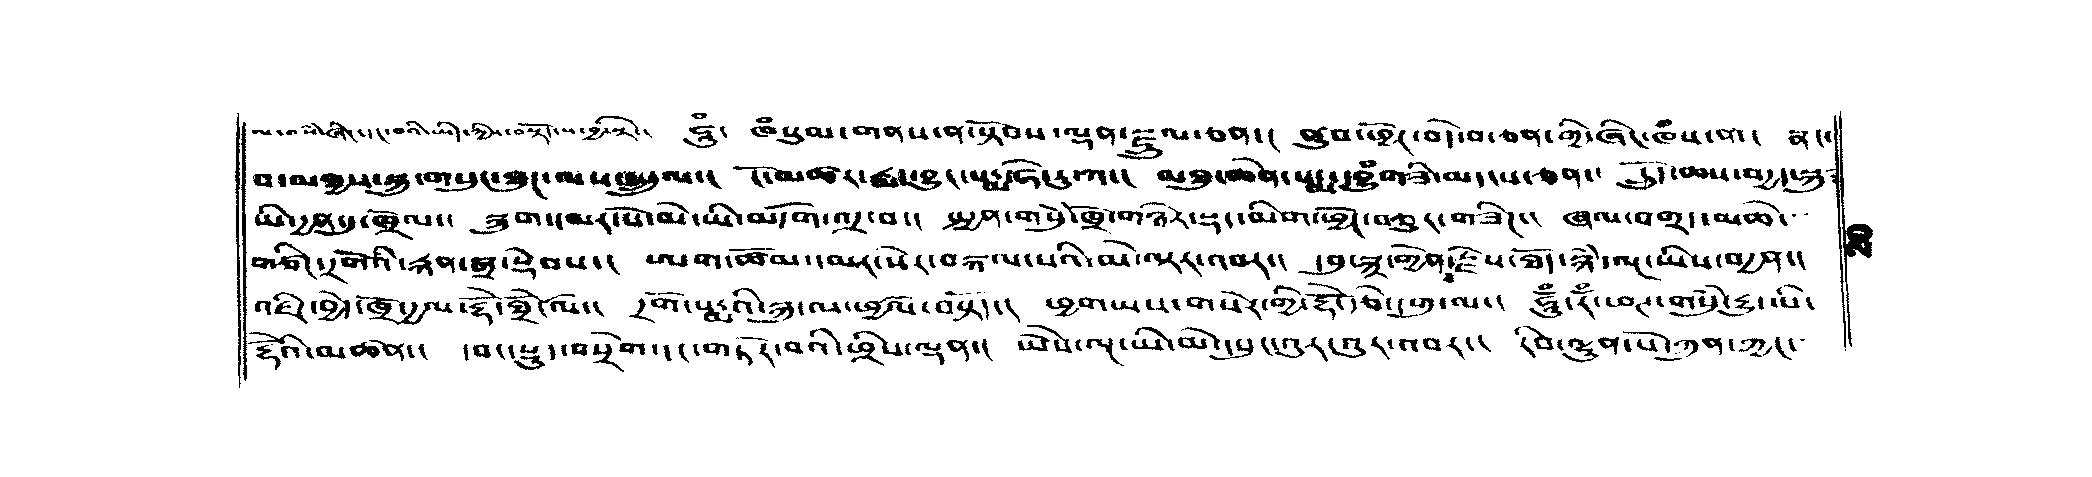བསམ་ཞིང་དང་བའི་ཡིད་ཀྱིས་བསྟོད་པར་བྱ་སྟེ། ཧཱུྃ། ཁམས་གསུམ་གནས་ན་སྟོབས་ལྡན་རྫུ་འཕྲུལ་ཅན། །ནུབ་ཕྱོགས་བདེ་བ་ཅན་གྱི་ཞིང་ཁམས་ན། །སྣང་
བ་མཐའ་ཡས་སྐུ་གསུང་ཐུགས་ལས་སྤྲུལ། །ངོ་མཚར་རྨད་བྱུང་པདྨ་ཧེ་རུཀ། །མཐུ་ཆེན་པདྨ་འབྱུང་གནས་གཟི་མདངས་ཅན། །དུར་ཁྲོད་ཆས་བརྒྱད་སྐུ་
ཡི་རྒྱན་དུ་ཁྲོལ། །སྐུ་མདོག་དམར་པོ་མེ་ཡི་མདོག་འདྲ་བ། །སྤྱན་གསུམ་ཁྲོ་གཉེར་སྡང་མིག་ཕྱོགས་བཅུར་གཟིགས། །ཞལ་བསྒྲད་མཆེ་
གཙིགས་དྲག་པོའི་རྐན་སྒྲ་སྡེབས། །ཨག་ཚོམ་དམར་སེར་བསྐལ་པའི་མེ་ལྟར་འབར། །དབུ་སྐྲ་གྱེན་བརྫེས་ཐོད་སྐམ་ལྔ་ཡི་བརྒྱན། །
འཇིགས་བྱེད་ཁྲོ་རྩལ་རྡོ་རྗེ་ཐོད་ཕྲེང་རྩལ། །དྲག་པོ་པདྨའི་སྐུ་ལ་ཕྱག་འཚལ་བསྟོད། །ཕྱག་གཡས་གསེར་གྱི་རྡོ་རྗེ་རྩེ་དགུ་ལ། །ཧཱུྃ་རྃ་ཕཊ་གསུམ་རྒྱུ་ཡི་
རྡོ་རྗེ་མཚན། །དབང་སྡུད་བསྲེག་དང་གཏོར་བའི་ཕྲིན་ལས་ལྡན། །ཡེ་ཤེས་ལྔ་ཡི་མེ་དཔུང་འུར་འུར་འབར། །རི་རབ་ལྷུན་པོ་ཀུན་ཀྱང་